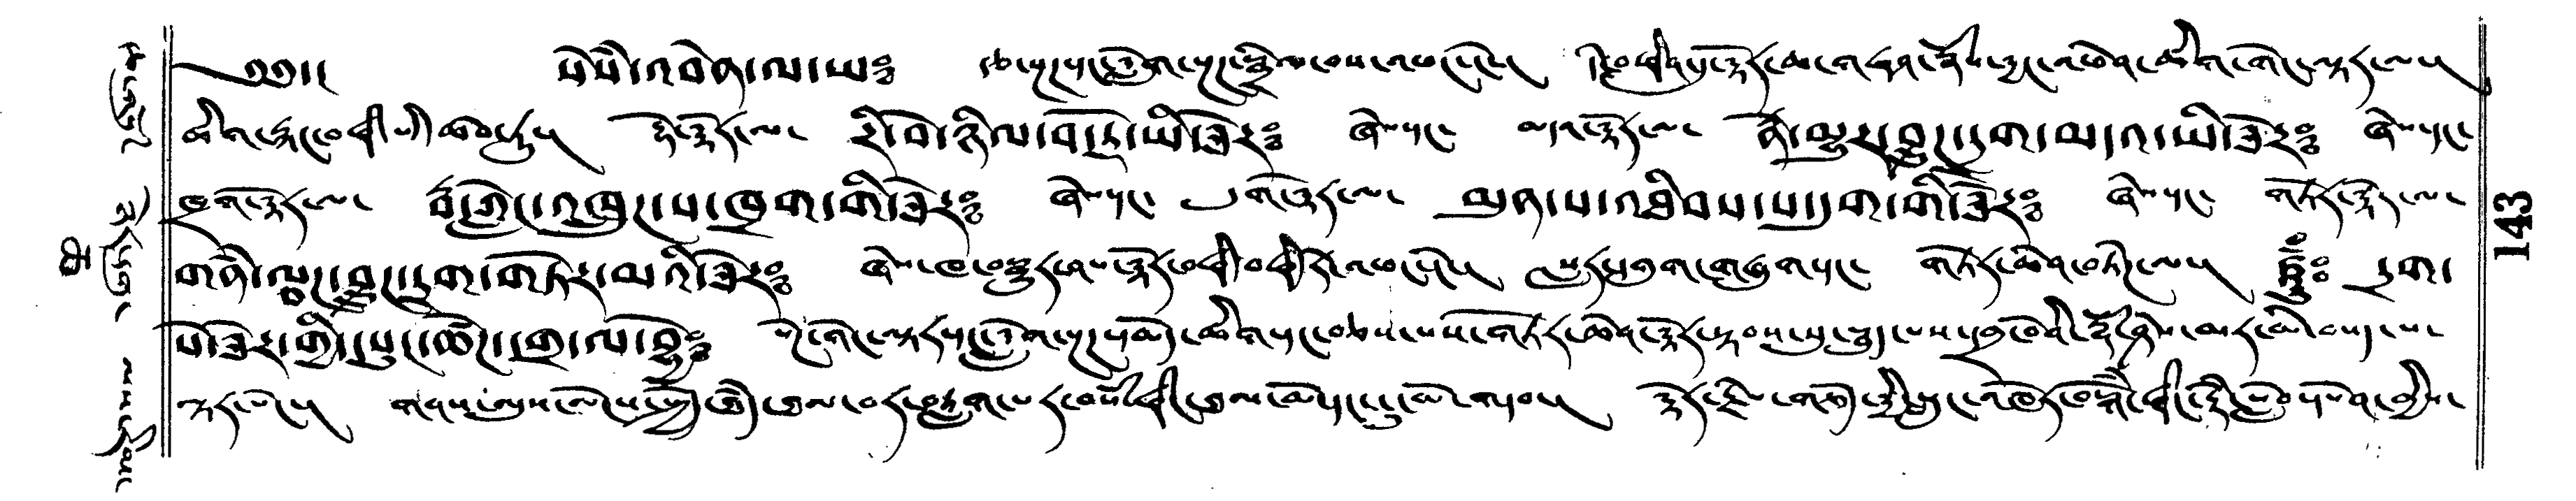སེམས་འབེན་ལ་ཡ༔ རྩ་སྔགས་དང་ཟློག་སྔགས་སྦྲེལ་བས་འཕང་ངོ་། དེ་བཞིན་དུ་ཟོར་ཆས་གཞན་རྣམས་ཀྱང་འཕེན་ཚིག་གོང་ལྟར་ལ། 
ཚིག་རྐང་བཞི་པའི་ཚབ་ཏུ། རྡོ་ཟོར་ལ། རི་བོ་ཉིལ་བ་རྡོ་ཡི་ཟོར༔ཞེས་དང་། མདའ་ཟོར་ལ། རྣོ་མྱུར་ཤུགས་དྲག་མདའ་ཡི་ཟོར༔ ཞེས་དང་། 
ཁྲག་ཟོར་ལ། རྦ་ཀློང་འཁྲུགས་པ་ཁྲག་གི་ཟོར༔ ཞེས་དང་། དུག་ཟོར་ལ། མུན་པ་འཐིབས་པ་དུག་གི་ཟོར༔ ཞེས་དང་། གཏོར་ཟོར་ལ། 
གནམ་ལྕགས་ཤུགས་དྲག་གཏོར་མའི་ཟོར༔ ཞེས་ཁ་བསྒྱུར་ནས་ཟོར་བཞི་བཞི་རེ་འཕང་ངོ་། སླར་དགུག་གཞུག་དང་། གཏོར་ཆེན་བཏེགས་ལ། ཧཱུྃ༔ དྲག་
པོ་ཟོར་གྱི་དཔུང་ཚོགས་དགྲ་ལ་བྷྱོ༔ སོགས་གོང་ལྟར་དང་ཟློག་སྔགས་དམོད་ཚིག་དང་བཅས་པས་གཏོར་ཆེན་ཟོར་སྟབས་སུ་སྦུད་པས་དགྲ་བོའི་རྣམ་ཤེས་མར་མེ་བསད་པ་
ལྟར་སོང་། གནས་ལུས་ལོངས་སྤྱོད་ཐམས་ཅད་ཐལ་བར་བརླག་པར་བསམ་ཞིང་ཐལ་མོ་དང་རྡུལ་མོ་གདབ། ཟོར་རྗེས་གཅོད་བའི་སྲུང་འཁོར་བསྒོམ་ཞིང་རྡོ་རྗེ་སློབ་དཔོན་གྱིས་